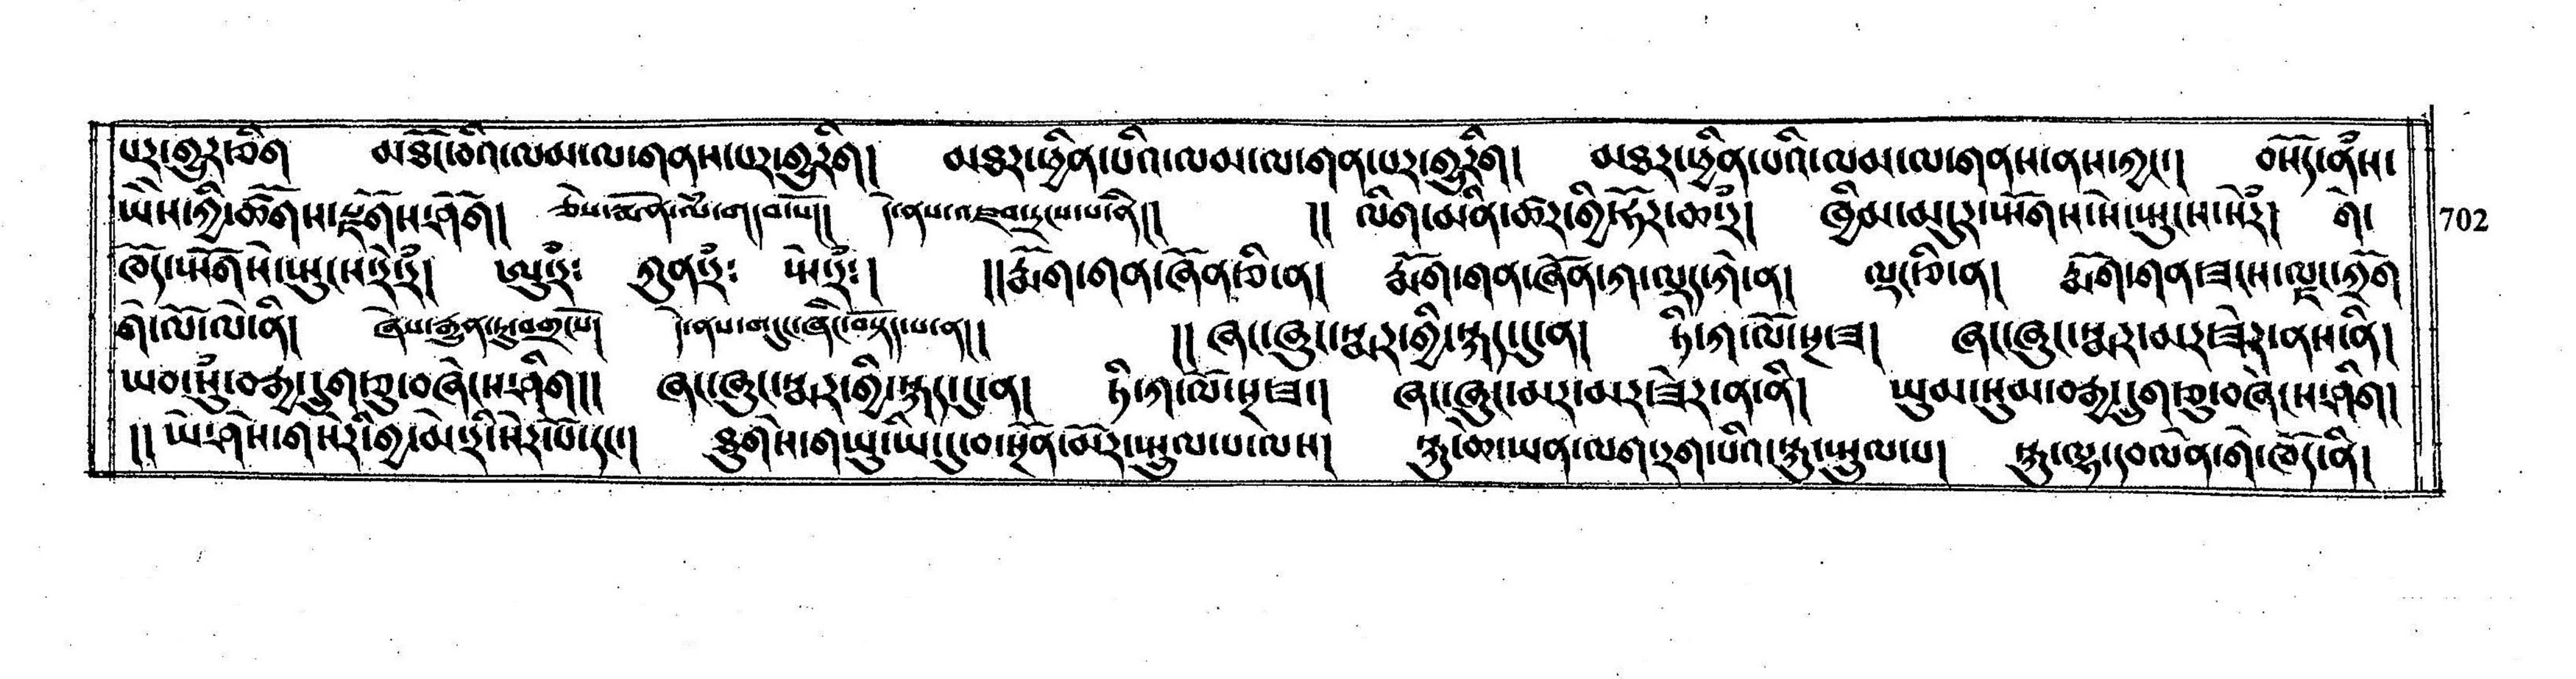པར་གྱུར་ཅིག མཐོང་བའི་ལམ་ལ་གནས་པར་གྱུར་ཅིག མཐར་ཕྱིན་པའི་ལམ་ལ་གནས་པར་གྱུར་ཅིག མཐར་ཕྱིན་པའི་ལམ་ལ་གནས་ནས་ཀྱང་། བསོད་ནམས་
ཡེ་ཤེས་ཀྱི་ཚོགས་རྫོགས་ཤོག ཅེས་སྨོན་ལམ་གདབ་བོ།། དེ་ནས་འཛབ་དྲངས་པ་ནི།། །།ལིག་མིན་ཚར་གྱི་ཧོར་ཆ་རཾ། ཁྱིམ་མདུར་སྤོགས་སེ་སྤུངས་སེ་རཾ། གེ་
ཁོད་སྤོགས་སེ་སྤུངས་སེ་རཾ། ཨུ་རཾ༴ ཀུན་རཾ༴ སྤེ་རཾ༴། །རྨོག་གན་ཞོན་ཅི་ན། རྨོག་གན་ཞོན་ཀ་ལྡད་ཀེ་ན། ལྡང་ཅི་ན། རྨོག་གན་ཟངས་ལྗང་ཀྲོག་
གེ་ལོ་ལེ་ནི། ཞེས་རྒྱུན་ཏུ་བགྲངས་སོ། དེ་ནས་གདུང་ཞིང་བསྟོད་པ་ནི།། །།ཞང་ཞུང་སྨར་གྱི་སྐད་དུ་ན། ཏི་ཀ་ལོ་སྔ་ཟ། ཞང་ཞུང་སྨར་མར་ཟེར་ནས་ནི། 
ཡབ་སུམ་བརྒྱ་དྲུག་ཅུ་བཞེངས་ཤིག ཞང་ཞུང་སྨར་གྱི་སྐད་དུ་ན། ཏི་ཀ་ལོ་སྔ་ཟ། ཞང་ཞུང་མར་མར་ཟེར་ན་ནི། ཡུམ་སུམ་བརྒྱ་དྲུག་ཅུ་བཞེངས་ཤིག 
།། ཡེ་ཤེས་གསེར་གྱི་མེ་རི་སེར་པོ་དང་། ཐུགས་རྗེ་གཡུ་ཡི་དུ་བ་སྔོན་མོར་སྤྲུལ་པ་ལས། སྐུ་ཆེ་ཡན་ལག་རག་པའི་སྐུ་སྤྲུལ་པ། སྐུ་ལྷ་དབལ་ཆེན་གེ་ཁོད་ནི།